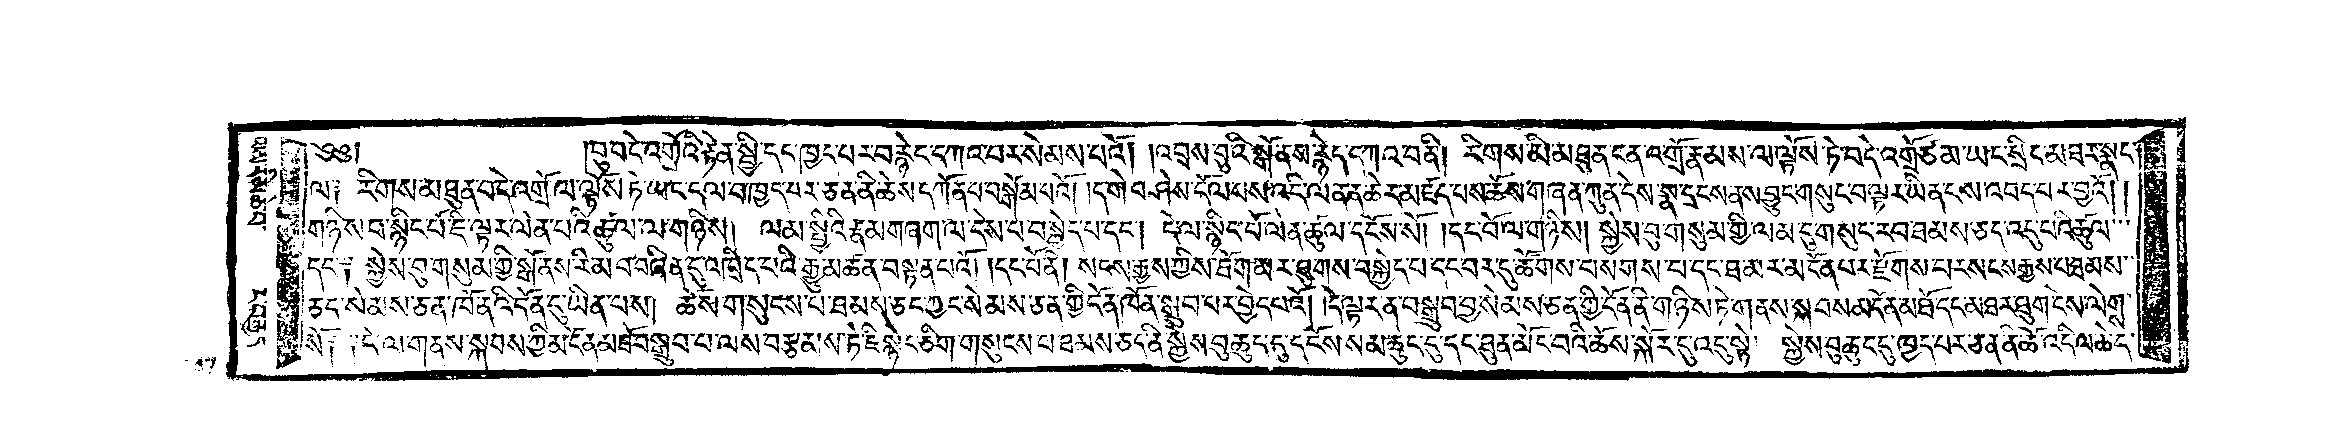༄༅། །བུ་བདེ་འགྲོའི་རྟེན་སྤྱི་དང་ཁྱད་པར་བརྙེད་དཀའ་བར་སེམས་པའོ། །འབྲས་བུའི་སྒོ་ནས་རྙེད་དཀའ་བ་ནི། རིགས་མི་མཐུན་ངན་འགྲོ་རྣམས་ལ་ལྟོས་ཏེ་བདེ་འགྲོ་ཙམ་ཡང་སྲིད་མཐར་སྣང་
ལ༑ རིགས་མཐུན་བདེ་འགྲོ་ལ་ལྟོས་ཏེ་ཡང་དལ་བ་ཁྱད་པར་ཅན་ནི་ཆེས་དཀོན་པ་བསྒོམ་པའོ། །དགེ་བཤེས་དོལ་པས་འདི་ལ་ནན་ཆེར་མཛད་པས་ཆོས་གཞན་ཀུན་དེས་སྣ་དྲངས་ནས་བྱུང་གསུང་བ་ལྟར་ཡིན་པས་འབད་པར་བྱའོ། །
གཉིས་པ་སྙིང་པོ་ཇི་ལྟར་ལེན་པའི་ཚུལ་ལ་གཉིས། ལམ་སྤྱིའི་རྣམ་གཞག་ལ་ངེས་པ་བསྐྱེད་པ་དང་། དེ་ལ་སྙིང་པོ་ལེན་ཚུལ་དངོས་སོ། །དང་པོ་ལ་གཉིས། སྐྱེས་བུ་གསུམ་གྱི་ལམ་དུ་གསུང་རབ་ཐམས་ཅད་འདུ་པའི་ཚུལ་
དང༑ སྐྱེས་བུ་གསུམ་གྱི་སྒོ་ནས་རིམ་པ་བཞིན་དུ་འཁྲིད་པའི་རྒྱུ་མཚན་བསྟན་པའོ། །དང་པོ་ནི། སངས་རྒྱས་ཀྱིས་ཐོག་མར་ཐུགས་བསྐྱེད་པ་དང་བར་དུ་ཚོགས་བསགས་པ་དང་ཐ་མར་མངོན་པར་རྫོགས་པར་སངས་རྒྱས་པ་ཐམས་
ཅད་སེམས་ཅན་ཁོ་ནའི་དོན་དུ་ཡིན་པས། ཆོས་གསུངས་པ་ཐམས་ཅད་ཀྱང་སེམས་ཅན་གྱི་དོན་ཁོ་ན་སྒྲུབ་པར་བྱེད་པའོ། །དེ་ལྟར་ན་བསྒྲུབ་བྱ་སེམས་ཅན་གྱི་དོན་ནི་གཉིས་ཏེ་གནས་སྐབས་མངོན་མཐོ་དང་མཐར་ཐུག་ངེས་ལེགས་
སོ༑ ༑དེ་ལ་གནས་སྐབས་ཀྱི་མངོན་མཐོ་བསྒྲུབ་པ་ལས་བརྩམས་ཏེ་ཇི་སྙེད་ཅིག་གསུངས་པ་ཐམས་ཅད་ནི་སྐྱེས་བུ་ཆུང་ངུ་དངོས་སམ་ཆུང་ངུ་དང་ཐུན་མོང་བའི་ཆོས་སྐོར་དུ་འདུ་སྟེ། སྐྱེས་བུ་ཆུང་ངུ་ཁྱད་པར་ཅན་ནི་ཚེ་འདི་ལ་ཆེད་